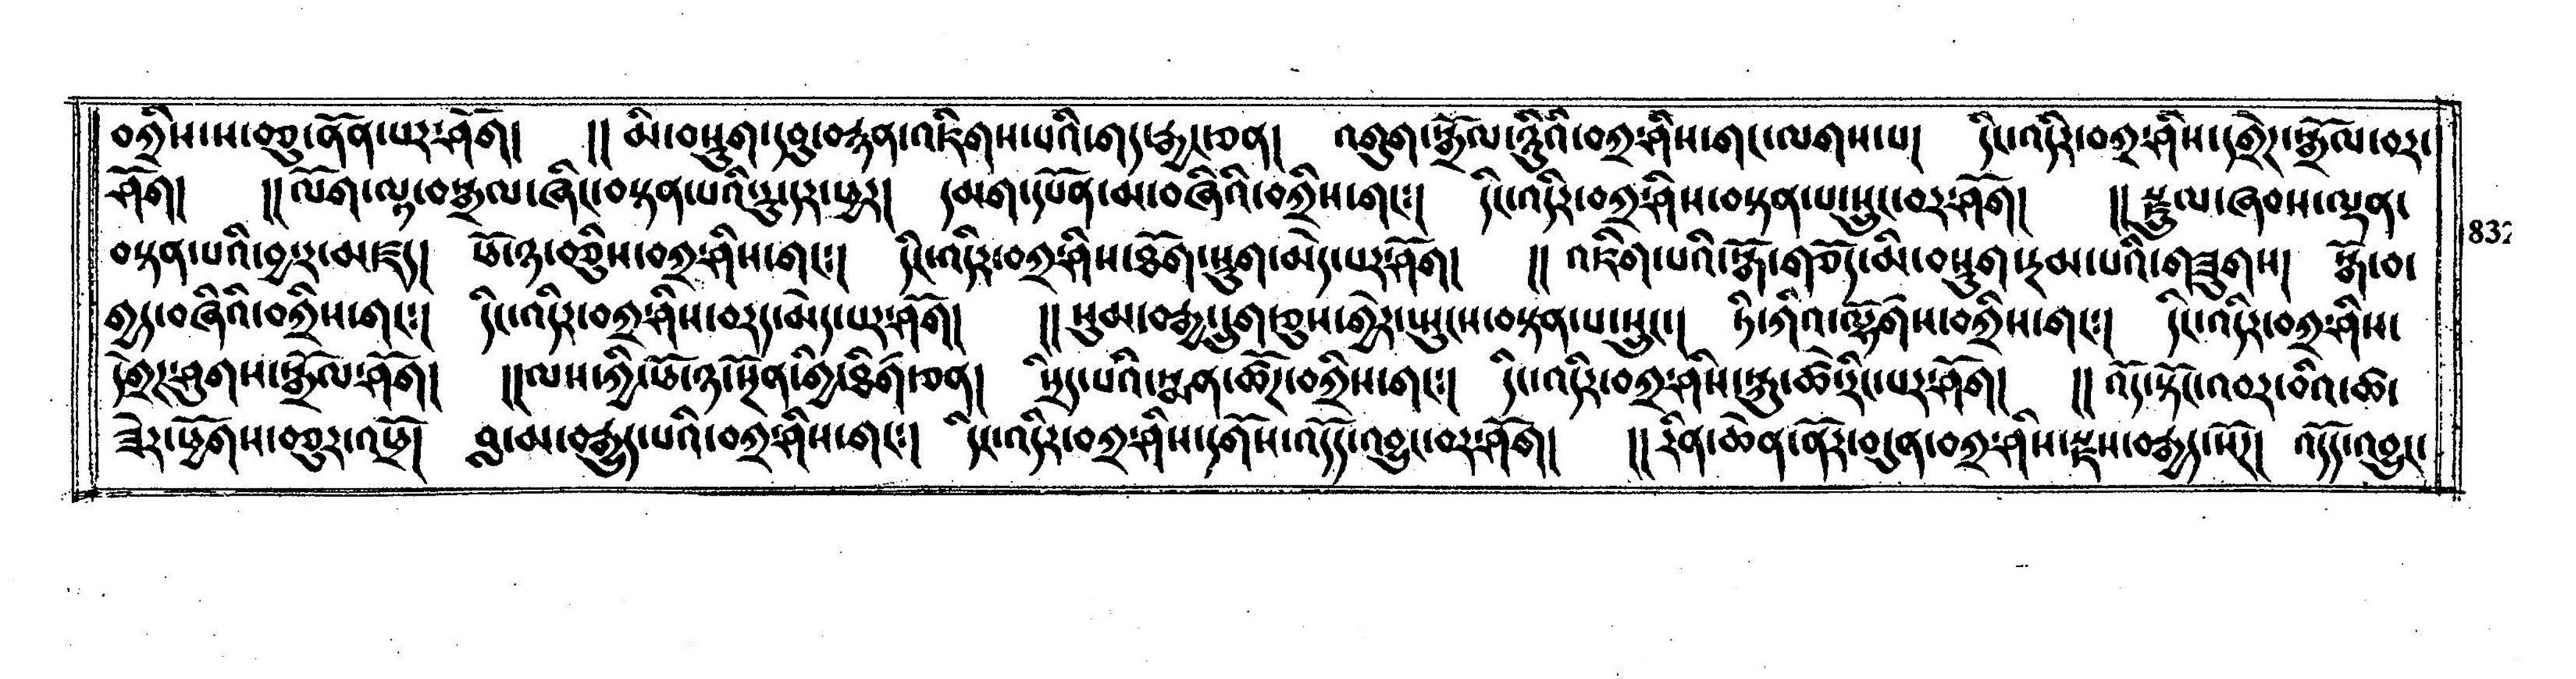བཀྲ་ཤིས་ས་བཅུ་ནོན་པར་ཤོག །།མི་བསྡུག་དབུ་བརྙན་འཇིགས་པའི་གད་རྒྱང་ཅན། འགུག་སྒྲོལ་ཉི་ཤུའི་བཀྲ་ཤིས་གང་ལགས་པ། དིང་འདིར་བཀྲ་ཤིས་དགྲ་བགེགས་སྒྲོལ་བར་
ག །།ལོག་ལྟ་བསྒྲལ་ཞིང་བསྟན་པའི་རུ་དར་ཕྱར། དམག་དཔོན་མ་བཞིའི་བཀྲ་ཤིས་གང་༴། དིང་འདིར་བཀྲ་ཤིས་བསྟན་པ་སྲུང་བར་ཤོག །།རྫུ་འཕྲུལ་ཞབས་ལྡན་
བསྟན་པའི་བྱ་ར་མཛད། ཕོ་ཉ་བཅུ་གཉིས་བཀྲ་ཤིས་གང་༴། དིང་འདིར་བཀྲ་ཤིས་ཐོག་སྡུག་མེད་པར་ཤོག །།འཇིག་པའི་སྒོ་གཅོད་མི་བསྡུག་རྔམ་པའི་གཟུགས། སྒོ་བ་
གྱད་བཞིའི་བཀྲ་ཤིས་གང་༴། དིང་འདིར་བཀྲ་ཤིས་བར་ཆད་མེད་པར་ཤོག །།སུམ་བརྒྱ་དྲུག་ཅུས་གྱེར་སྤུངས་བསྟན་པ་སྲུང་། ཏི་ཀའི་ལྷ་ཚོགས་བཀྲ་ཤིས་གང་༴། དིང་འདིར་བཀྲ་ཤིས་
དགྲ་བགེགས་ཤུགས་སྒྲོལ་ཤོག །།ལས་ཀྱི་ཕོ་ཉ་སྔོན་གྱི་ཐ་ཚིག་ཅན། སྲིད་པའི་སྨན་ཚོགས་བཀྲ་ཤིས་གང་༴། དིང་འདིར་བཀྲ་ཤིས་སྐུ་ཚེ་རིང་པར་ཤོག །།འོད་སྟོང་འབར་བའི་ཚ་
ཟེར་ཕྱོགས་བཅུར་འཕྲོ། བླ་མ་བརྒྱུད་པའི་བཀྲ་ཤིས་གང་༴། དིང་འདིར་བཀྲ་ཤིས་དགོས་འདོད་འབྱུང་བར་ཤོག །།རིན་ཆེན་ནོར་བདུན་བཀྲ་ཤིས་རྫས་བརྒྱད་སོགས། འདོད་འབྱུང་